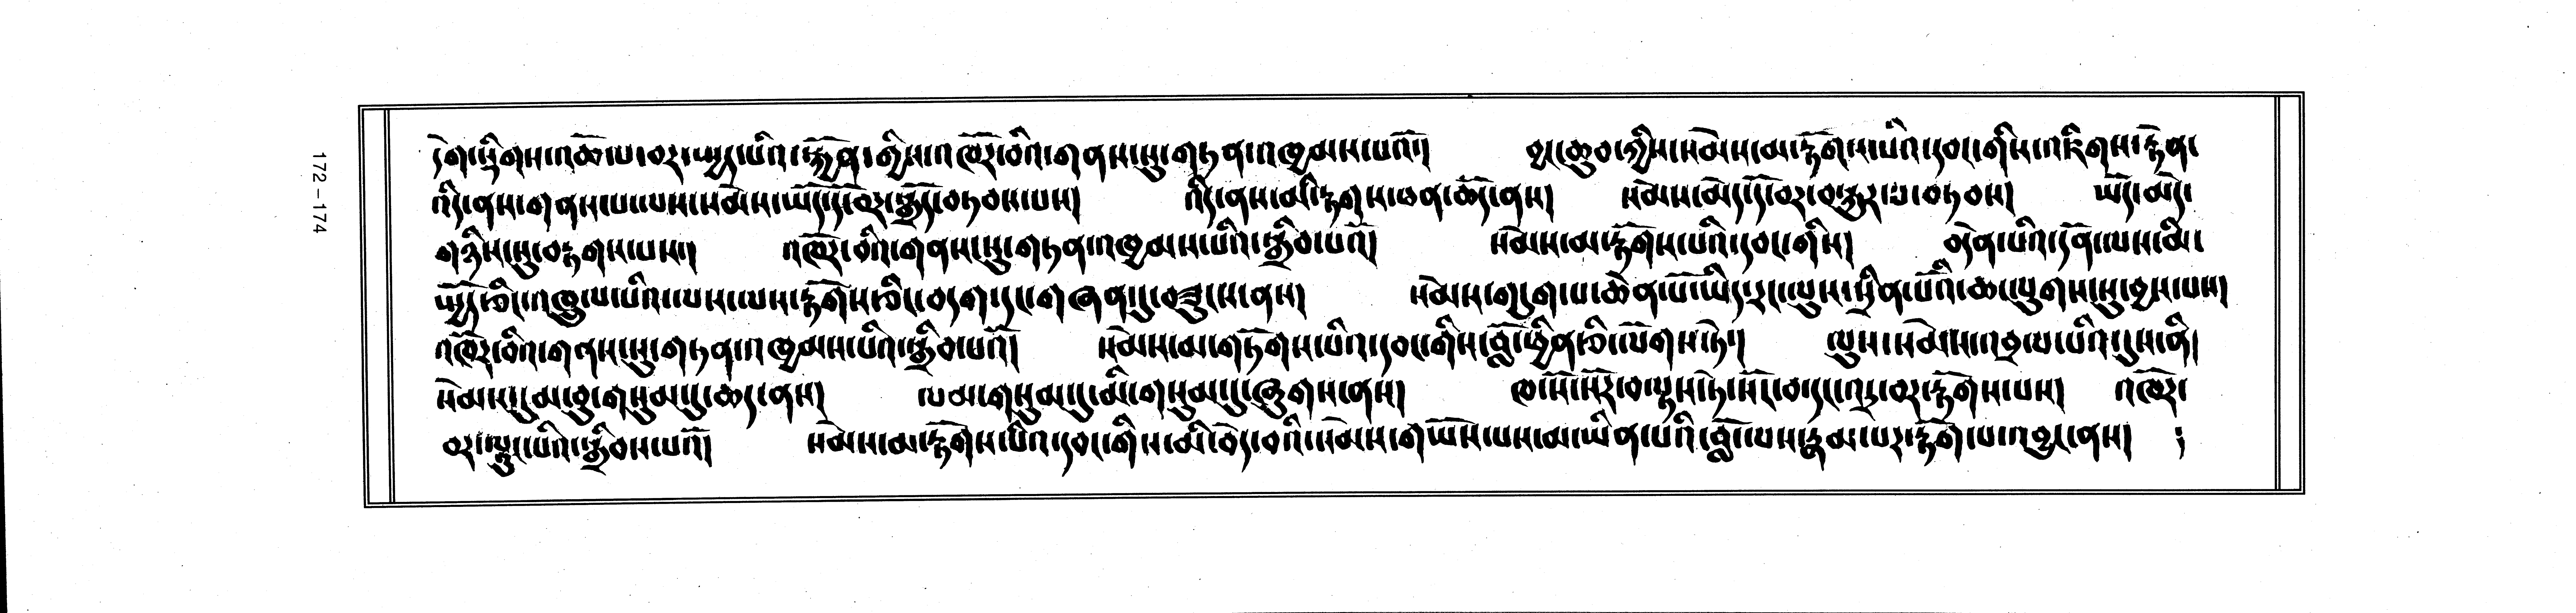དགེ་སྡིག་འཆོལ་བར་སྤྱད་པའི་སྐྱོན་གྱིས་འཁོར་བའི་གནས་སུ་གཏན་འཁྱམས་པའོ། བྱང་ཆུབ་ཀྱིས་སེམས་མ་རྟོགས་པའི་དབང་གིས་འཇིགས་རྟེན་
འདི་ནས་གནས་པ་ལས་སེམས་ཡོད་དོ་བར་སྒྲོད་བཏབས་པས། འདི་ནས་མི་རྟགས་ཕན་ཆོད་ནས། སེམས་མེད་དོ་བར་བསྐུར་པ་བཏབས། ཡོད་མེད་
གཉིས་སུ་བརྟགས་པས། འཁོར་བའི་གནས་སུ་གཏན་འཁྱམས་པའི་སྒྲིབ་པའོ། སེམས་མ་རྟོགས་པའི་དབང་གིས། བདེན་པའི་དོན་ལས་མི་
སྤྱོད་ཅིང་འཁྲུལ་པའི་ལས་ལ་རྟོགས་ཅིང་བདག་དང་གཞན་དུ་བཟུང་ནས། སེམས་གདུག་པ་ཆེན་པོ་ཡིད་རང་ལུས་སྲིན་པོའི་ཆ་ལུགས་སུ་བྱས་པས། 
འཁོར་བའི་གནས་སུ་གཏན་འཁྱམས་པའི་སྒྲིབ་པའོ། སེམས་མ་གཏོགས་པའི་དབང་གིས་བློ་ཕྱིན་ཅི་ལོག་ཏེ། ལུས་སེམས་འབྲལ་པའི་དུས་ནི། 
སེམས་དུམ་བུ་གསུམ་དུ་ཆད་ནས། ལམ་གསུམ་དུ་མི་གསུམ་དུ་ཞུགས་ནས། ཁ་སོ་སོར་བལྟས་ཏེ་སོང་བ་དང་འདྲ་བར་རྟོགས་པས། འཁོར་
བར་ལྟུང་པའི་སྒྲིབ་པའོ། སེམས་མ་རྟོགས་པའི་དབང་གིས་མི་བདེ་བའི་སེམས་གཡོས་པས་མ་ཡིན་པའི་བློ་ལས་རྣམ་པར་རྟོགས་པ་འབྱུང་ནས།